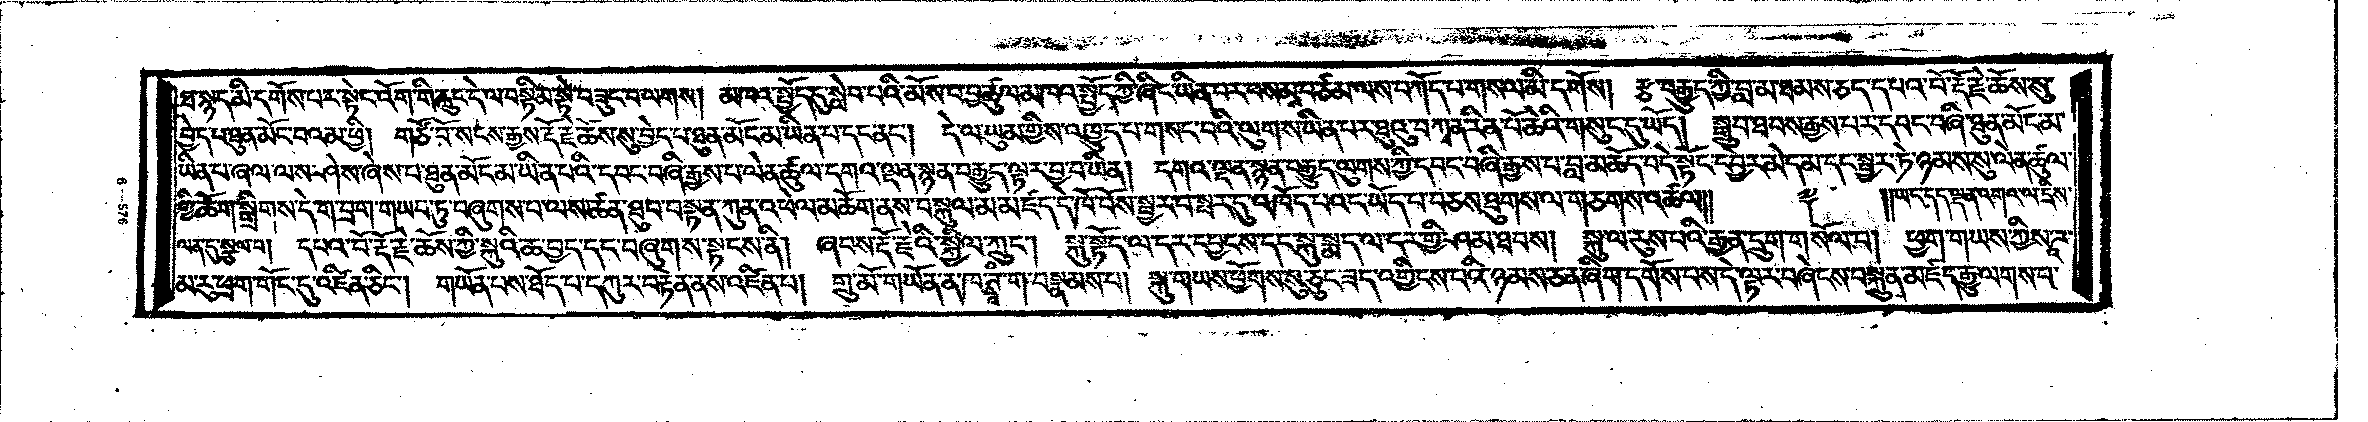ཐ་སྙད་མི་དགོས་པར་སྟེང་འོག་གི་རླུང་དེ་ལ་བསྟིམ་སྟེ་བཟུང་བ་ལགས། མཁའ་སྤྱོད་དུ་སླེབ་པའི་མོས་བ་བྱ་ཚུལ་མཁའ་སྤྱོད་ཀྱི་ཞིང་ཡིན་བར་བསམས་བ་ཙམ་ལས་བཀོད་པ་གསལ་མི་དགོས། རྩ་བརྒྱུད་ཀྱི་བླ་མ་ཐམས་ཅད་དཔའ་བོ་རྡོ་རྗེ་ཆོས་སུ་
བྱེད་པ་ཐུན་མོང་བའམ་ཕྱི། གཙོ་བོ་སངས་རྒྱས་རྡོ་རྗེ་ཆོས་སུ་བྱེད་པ་ཐུན་མོང་མ་ཡིན་པ་དང་ནང་། དེ་ལ་ཡུམ་གྱིས་འཁྱུད་པ་གསང་བའི་ལུགས་ཡིན་པར་ཐུའུ་བཀྭན་རིན་པོ་ཆེའི་གསུང་དུ་ཡོད། སྒྲུབ་ཐབས་རྒྱས་པར་དབང་བཞི་ཐུན་མོང་མ་
ཡིན་པ་ཞལ་ལས་ཤེས་ཞེས་པ་ཐུན་མོང་མ་ཡིན་པའི་དབང་བཞི་རྒྱས་པ་ལེན་ཚུལ་དགའ་ལྡན་སྙན་བརྒྱུད་ལྟར་བྱ་བ་ཡིན། དགའ་ལྡན་སྙན་བརྒྱུད་ལུགས་ཀྱི་དབང་བཞི་རྒྱས་པ་བླ་མཆོད་བདེ་སྟོང་དབྱེར་མེད་མ་དང་སྦྱར་ཏེ་ཉམས་སུ་ལེན་ཚུལ་
གྱི་ཆོག་སྒྲིགས་དེ་ག་བྲག་གཡབ་ཏུ་བཞུགས་པ་ལས་ཚན་ཐུབ་བསྟན་ཀུན་འཕེལ་མཆོག་ནས་བསྐུལ་མ་མཛད་དེ་ཁོ་བོས་སྦྱར་བ་སྤར་དུ་འཁོད་པའང་ཡོད་པ་བཅས་ཐུགས་ལ་གཅགས་འཚལ།། ༈ །།ཡང་དད་ལྡན་འགའ་ལ་དྲིས་
ལན་དུ་སྩལ་བ། དཔའ་བོ་རྡོ་རྗེ་ཆོས་ཀྱི་སྐུའི་ཆ་བྱད་དང་བཞུགས་སྟངས་ནི། ཞབས་རྡོ་རྗེའི་སྐྱིལ་ཀྲུང་། སྐུ་སྟོད་ལ་དར་དབྱངས་དང་སྐུ་སྨད་ལ་དར་གྱི་ཤམ་ཐབས། སྐུ་ལ་རུས་བའི་རྒྱན་དྲུག་གསོལ་བ། ཕྱག་གཡས་ཀྱིས་ཌཱ་
མ་རུ་ཕྲག་གོང་དུ་འཛིན་ཅིང་། གཡོན་པས་ཐོད་པ་དཀུར་བརྟེན་ནས་འཛིན་པ། གྲུ་མོ་གཡོན་ན་ཁ་ཊྭཱཾ་ག་བསྣམས་པ༑ སྐུ་གཡས་ཕྱོགས་སུ་ཅུང་ཟད་འགྱིངས་པའི་ཉམས་ཅན་ཞིག་དགོས་པས་དེ་ལྟར་བཞེངས་བསྐྲུན་མཛད་རྒྱུ་ལགས་པ་